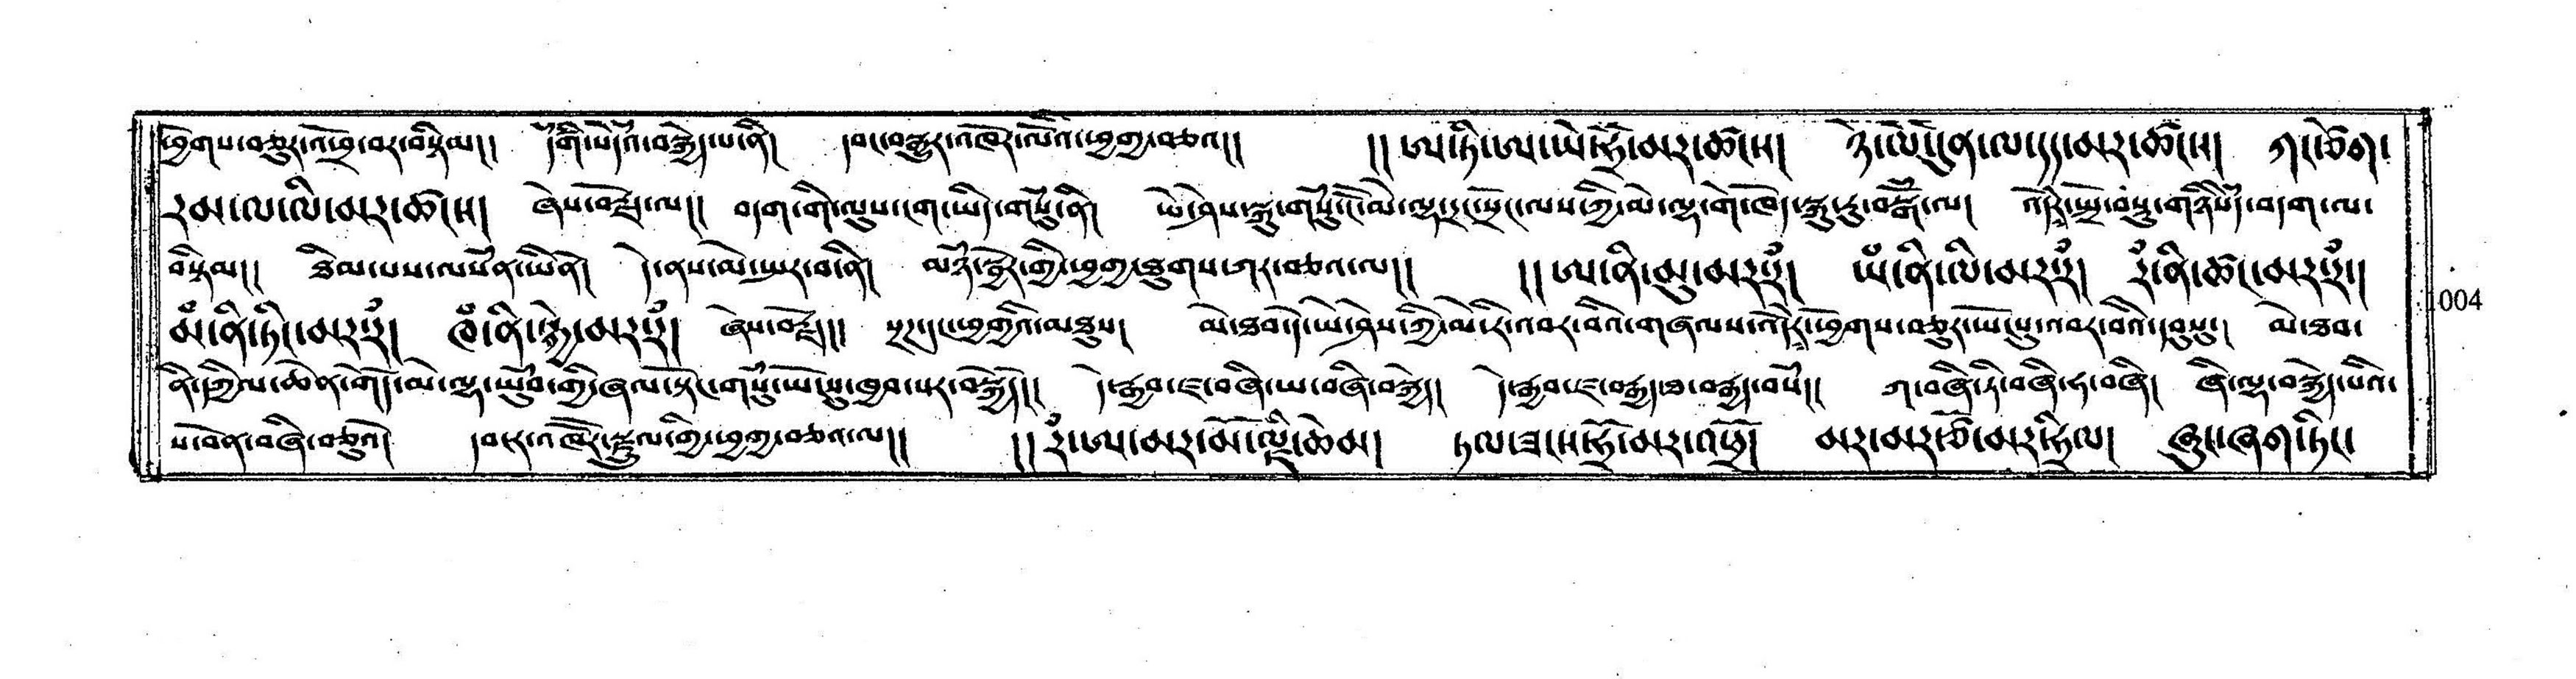ཕྱོགས་བཅུར་འཕྲོ་བར་བསྟིམ།། དམ་ཚིག་སེམས་དཔའ་བསྐྱེད་པ་ནི། དབང་བསྒྱུར་འཁོར་ལོའི་ཕྱག་རྒྱ་བཅའ།། །།ཨ་ཏི་ཨ་ཡེ་ཧྲོ་མར་ཚངས། ཉེ་ལོ་དུན་ལ་དད་མར་ཚངས། ཀང་ཙེག་
རམ་ལ་ལི་མར་ཚངས། ཞེས་བརྗོད་ལ།། བདག་གི་ལུས་ངག་ཡིད་གསུམ་ནི། ཡེ་ཤེས་སྐུ་གསུམ་ངོ་བོ་མེ་ལྷ་དྲང་སྲོང་ལས་ཀྱི་མེ་ལྷ་གེ་ཁོད་སྐུ་རུ་བསྒོམ་ལ། འོད་ཟེར་སྤྲོ་བསྡུ་གཉིས་མེད་བདག་ལ་
བསྟིམ།། ཐིམ་པས་ལས་མཁན་ཡིན་ནོ། དེ་ནས་མེ་སྤར་བ་ནི། མཉམ་སྦྱོར་གྱི་ཕྱག་རྒྱ་ཐུགས་ཀར་བཅའ་ལ།། །།ཨ་ནི་མུ་མར་རཾ། ཡཾ་ནི་ལི་མར་རཾ། རཾ་ནི་ཚང་མར་རཾ། མཾ་ནི་ཏིང་མར་རཾ། 
ཁཾ་ནི་སྐྱེ་མར་རཾ། ཞེས་བརྗོད། སྔགས་དང་ཕྱག་རྒྱའི་མཐུས། མེ་ཐབ་དེ་ཡེ་ཤེས་ཀྱི་མེ་རི་འབར་བའི་གཞལ་ཡས་འོད་ཟེར་ཕྱོགས་བཅུར་ཡོངས་སུ་འབར་བའི་དབུས་སུ། མེ་ཐབ་
ནི་དཀྱིལ་ཆེན་གེ་ཁོད་མེ་ལྷ་ཡབ་ཡུམ་གྱི་ཞལ་སྟོང་གསུམ་ཡོངས་སུ་ཁྱབ་པར་བསྐྱེད་དོ།། དེ་རྒྱབ་ཛ་བཞི་ཡ་བཞི་བསྐྱེད། དེ་རྒྱབ་ཛ་བརྒྱད་ཐ་བརྒྱད་བསམ།། ཀ་བཞི་ཏི་བཞི་ཧ་བཞི། ཞི་ལྷ་བསྐྱེད་པའི་
ས་བོན་བཞི་བཅུའོ། དབང་བསྐུར་འཁོར་ལོ་རྫུ་འཕྲུལ་གྱི་ཕྱག་རྒྱ་བཅའ་ལ།། །།རཾ་ཨ་མར་མོ་ལྗི་ཆེམ། ཏལ་ཟངས་ཧྲོ་མར་འཕྲོ། མར་མར་ཙོ་མར་ཧྲིལ། ཞུང་ཞག་ཏིང་